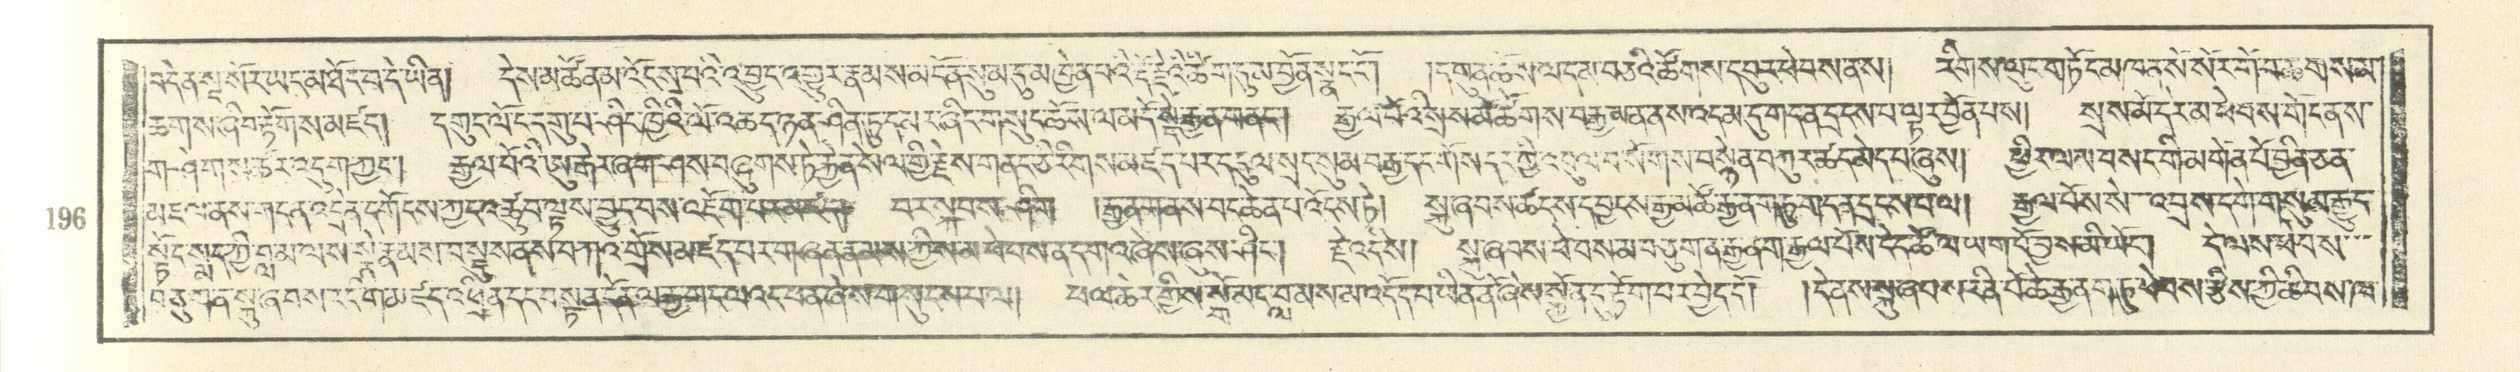བདེན་སྔ་སོར་ཡང་མཐོང་བ་དེ་ཡིན། དེས་མཚོན་མ་འོངས་པའི་འབྱུང་འགྱུར་རྣམས་མངོན་སུམ་དུ་མཁྱེན་པའི་རྡོ་རྗེའི་ཚིག་དུ་མ་བྱོན་སྣང་ངོ། །དགུན་ཆོས་ལ་དམ་བཅའི་ཚོགས་དབུར་ཕེབས་ནས། རིགས་ལུང་གཏོང་མཁན་སོ་སོར་གོ་བ་ཆགས་མ་
ཆགས་ཞིབ་རྟོགས་མཛད། དགུང་ལོ་ང་དགུ་པ་ཤིང་ཁྱིའི་ལོ་འཆད་ཉན་ཤིན་ཏུ་དམར་ཞིང་གསུང་ཆོས་ལ་མདོ་སྡེ་རྒྱན་གནང་། རྒྱལ་པོའི་སྲས་མོ་ཚོགས་བརྒྱ་མན་ནས་འདམ་དུ་གདན་དྲངས་པ་ལྟར་བྱོན་པས། སྲས་མོ་དེར་མ་ཕེབས་གོང་ནས་
གཤེགས་ཚར་འདུག་ཀྱང་། རྒྱལ་པོའི་ཨུ་རྒེར་ཞག་ཤས་བཞུགས་ཏེ་རྐྱེན་སེལ་གྱི་རྗེས་གནང་ཅི་རིགས་མཛད་པར་དངུལ་སྲང་སུམ་བརྒྱ་དང་གོས་དར་གྱི་འབུལ་བ་སོགས་བསྙེན་བཀུར་ཚད་མེད་པ་ཞུས། ཕྱིར་ལམ་བསང་གི་མགོན་པོ་བྱིན་ཅན་
མཇལ་ནས་གདན་འདྲེན་དགོངས་ཀྱང་འཚུབ་ལྟས་བྱུང་བས་འཇོག་པར་མཛད། བར་སྐབས་ཤིག །རྒྱ་ནག་ནས་བང་ཆེན་པ་འོངས་ཏེ། སྐུ་ཞབས་ཚངས་དབྱངས་རྒྱ་མཚོ་རྒྱ་ནག་ཏུ་གདན་དྲངས་པ་ལ། རྒྱལ་པོས་སེ་འབྲས་དགེ་གསུམ་རྒྱུད་
སྟོད་སྨད་ཀྱི་བླ་མ་ལས་སྣེ་རྣམས་བསྡུས་ནས་བཀའ་གྲོས་མཛད་པར་གཞན་རྣམས་ཀྱིས་མ་ཕེབས་ན་དགའ་ཞེས་ཞུས་ཤིང་། རྗེ་འདིས། སྐུ་ཞབས་ཕེབས་མ་བཅུག་ན་རྒྱ་ནག་རྒྱལ་པོས་ངེད་ཚོ་ལ་ཡག་པོ་བྱས་མི་ཡོང་། དེ་ལས་ཕེབས་
བཅུག་ན་སྐུ་ཞབས་རང་གི་མཛད་འཕྲིན་དང་བསྟན་དོན་ལ་རྒྱ་གང་ལའང་ཕན་ཞེས་གསུངས་པ་ལ། ཕལ་ཆེར་གྱིས་སྒོ་མང་བླ་མས་མ་འདོད་པ་ཡིན་ནོ་ཞེས་སྐྱོན་དུ་རྟོག་པར་བྱེད་དོ། །དེ་ནས་སྐུ་ཞབས་རིན་པོ་ཆེ་རྒྱ་ནག་ཏུ་ཕེབས་རྩིས་ཀྱི་ཆིབས་ཁ་